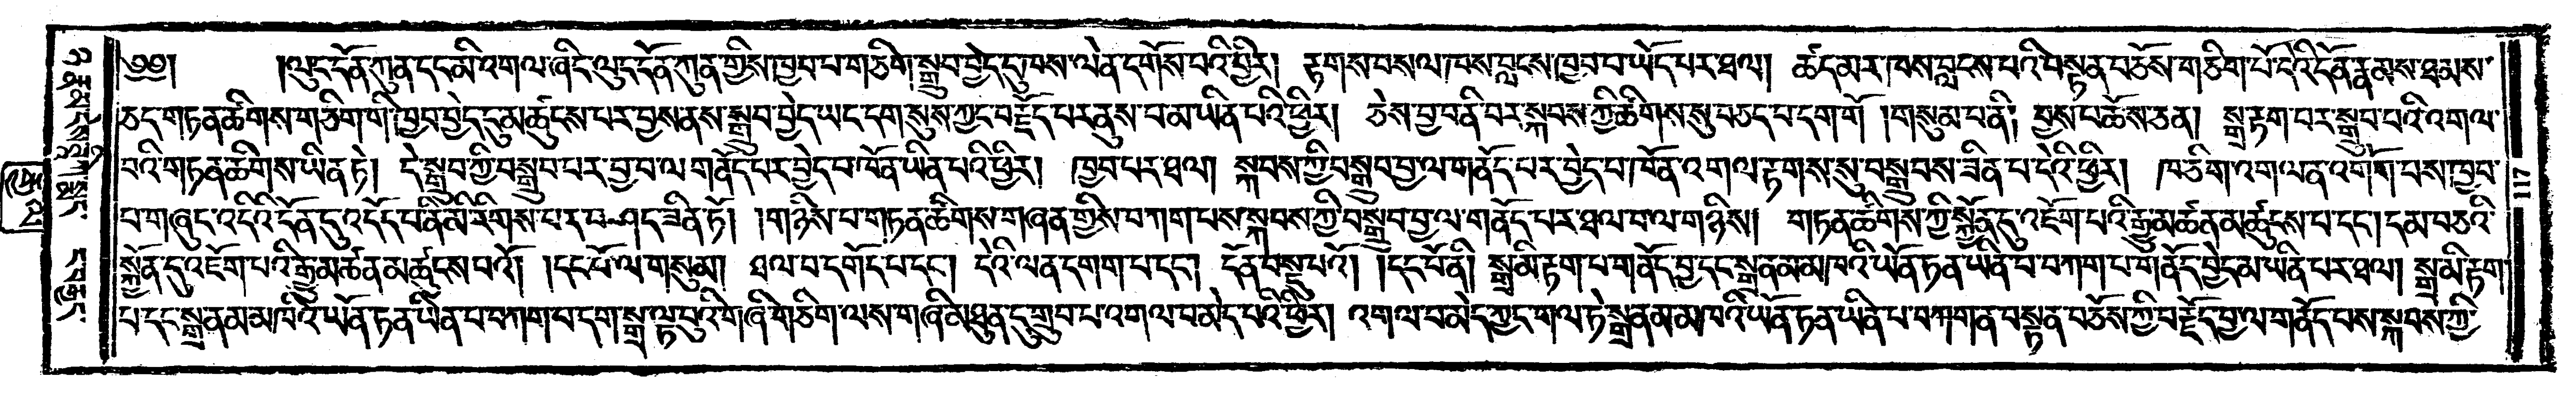༄༅། །ལུང་དོན་ཀུན་དང་མི་འགལ་ཞིང་ལུང་དོན་ཀུན་གྱིས་ཁྱབ་པ་གཅིག་སྒྲུབ་བྱེད་དུ་ཁས་ལེན་དགོས་པའི་ཕྱིར། རྟགས་བསལ་ཁས་བླངས་ཁྱབ་པ་ཡོད་པར་ཐལ། ཚད་མར་ཁས་བླངས་པའི་བསྟན་བཅོས་གཅིག་པོ་དེའི་དོན་རྣམས་ཐམས་
ཅད་གཏན་ཚིགས་གཅིག་གི་ཁྱབ་བྱེད་དུ་མཚུངས་པར་བྱས་ནས་སྒྲུབ་བྱེད་ཡང་དག་སུས་ཀྱང་བརྗོད་པར་ནུས་པ་མ་ཡིན་པའི་ཕྱིར། ཅེས་བྱ་བ་ནི་བར་བསྐབས་ཀྱི་ཚིགས་སུ་བཅད་པ་དག་གོ། །གསུམ་པ་ནི། བྱས་པ་ཆོས་ཅན། སྒྲ་རྟག་པར་བསྒྲུབ་བའི་འགལ་
བའི་གཏན་ཚིགས་ཡིན་ཏེ། དེ་སྒྲུབ་ཀྱི་བསྒྲུབ་པར་བྱ་བ་ལ་གནོད་པར་བྱེད་པ་ཁོ་ན་ཡིན་པའི་ཕྱིར། ཁྱབ་པར་ཐལ། སྐབས་ཀྱི་བསྒྲུབ་བྱ་ལ་གནོད་པར་བྱེད་པ་ཁོ་ན་འགལ་རྟགས་སུ་བསྒྲུབས་ཟིན་པ་དེའི་ཕྱིར། ཁ་ཅིག་འགལ་ན་འགོག་པས་ཁྱབ་
པ་གཞུང་འདིའི་དོན་དུ་འདོད་པ་ནི་མི་རིགས་པར་བཤད་ཟིན་ཏོ། །གཉིས་པ་གཏན་ཚིགས་གཞན་གྱིས་བཀག་པས་སྐབས་ཀྱི་བསྒྲུབ་བྱ་ལ་གནོད་པར་ཐལ་བ་ལ་གཉིས། གཏན་ཚིགས་ཀྱི་སྐྱོན་དུ་འཇོག་པའི་རྒྱུ་མཚན་མཚུངས་པ་དང་། དམ་བཅའི་
སྐྱོན་དུ་འཇོག་པའི་རྒྱུ་མཚན་མཚུངས་པའོ། །དང་པོ་ལ་གསུམ། ཐལ་བ་དགོད་པ་དང་། དེའི་ལན་དགག་པ་དང་། དོན་བསྡུ་པའོ། །དང་པོ་ནི། སྒྲ་མི་རྟག་པ་གནོད་བྱ་དང་སྒྲ་ནམ་མཁའི་ཡོན་ཏན་ཡིན་པ་བཀག་པ་གནོད་བྱེད་མ་ཡིན་པར་ཐལ། སྒྲ་མི་རྟག་
པ་དང་སྒྲ་ནམ་མཁའི་ཡོན་ཏན་ཡིན་པ་བཀག་པ་དག་སྒྲ་ལྟ་བུའི་གཞི་གཅིག་ལས་གཞི་མཐུན་དུ་གྲུབ་པ་འགལ་བ་མེད་པའི་ཕྱིར། འགལ་བ་མེད་ཀྱང་གལ་ཏེ་སྒྲ་ནམ་མཁའི་ཡོན་ཏན་ཡིན་པ་བཀག་ན་བསྟན་བཅོས་ཀྱི་བརྗོད་བྱ་ལ་གནོད་པས་སྐབས་ཀྱི་